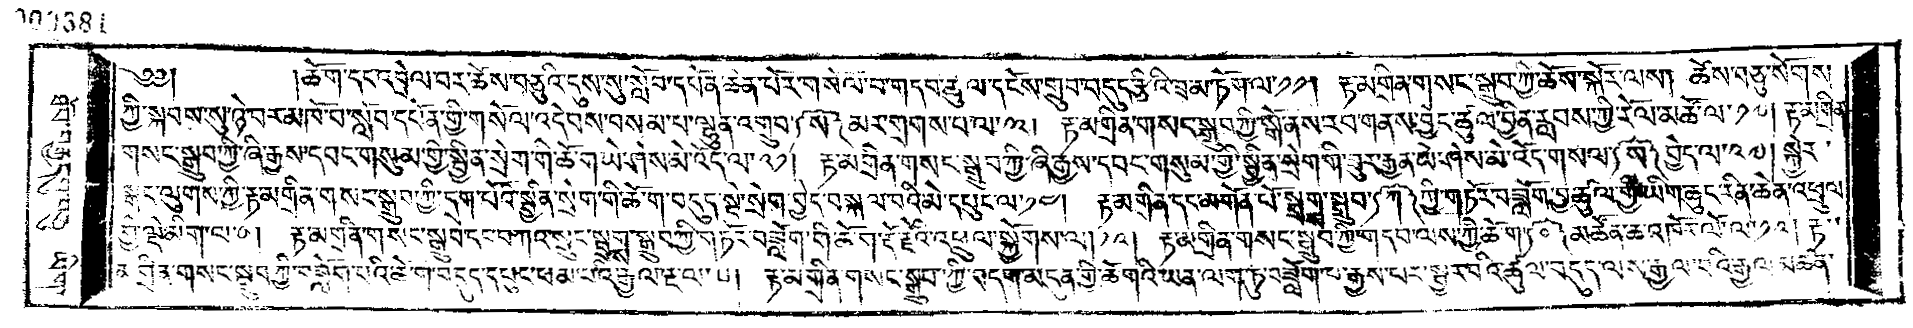༄༅། །ཆོ་ག་དང་འབྲེལ་བར་ཚེས་བཅུའི་དུས་སུ་སློབ་དཔོན་ཆེན་པོར་གསོལ་བ་གདབ་ཚུལ་དངོས་གྲུབ་བདུད་རྩིའི་ཟ་མ་ཏོག་ལ ༡༡། རྟ་མགྲིན་གསང་སྒྲུབ་ཀྱི་ཆོས་སྐོར་ལས། ཚེས་བཅུ་སོགས་
ཀྱི་སྐབས་སུ་ཉེ་བར་མཁོ་བ་སློབ་དཔོན་གྱི་གསོལ་འདེབས་བསམ་པ་ལྷུན་འགྲུབ ༼ས༽ མར་གྲགས་པ་ལ ༣། རྟ་མགྲིན་གསང་སྒྲུབ་ཀྱི་སྒོ་ནས་རབ་གནས་བྱེད་ཚུལ་བྱིན་རླབས་ཀྱི་རོལ་མཚོ་ལ ༡༧། རྟ་མགྲིན་
གསང་སྒྲུབ་ཀྱི་ཞི་རྒྱས་དབང་གསུམ་གྱི་སྦྱིན་སྲེག་གི་ཆོ་ག་ཡེ་ཤེས་མེ་འོད་ལ ༢༡། རྟ་མགྲིན་གསང་སྒྲུབ་ཀྱི་ཞི་རྒྱས་དབང་གསུམ་གྱི་སྦྱིན་སྲེག་གི་ཟུར་རྒྱན་ཡེ་ཤེས་མེ་འོད་གསལ ༼ས༽ བྱེད་ལ ༢༧། སྐྱེར་
སྒང་ལུགས་ཀྱི་རྟ་མགྲིན་གསང་སྒྲུབ་ཀྱི་དྲག་པོའི་སྦྱིན་སྲེག་གི་ཆོ་ག་བདུད་སྡེ་སྲེག་བྱེད་བསྐལ་བའི་མེ་དཔུང་ལ ༡༤། རྟ་མགྲིན་དང་མགོན་པོ་སྦྲགས་སྒྲུབ ༼ཀ༽ གྱི་གཏོར་བཟློག་བྱ་ཚུལ་གྱི་ཡིག་ཆུང་རིན་ཆེན་འཕྲུལ་
གྱི་ལྡེ་མིག་ལ ༦། རྟ་མགྲིན་གསང་སྒྲུབ་དང་བཀའ་སྲུང་སྦྲགས་སྒྲུབ་ཀྱི་གཏོར་བཟློག་གི་ཆོ་ག་རྡོ་རྗེའི་འཕྲུལ་སྐྱོགས་ལ། ༡༢། རྟ་མགྲིན་གསང་སྒྲུབ་ཀྱི་གདབ་ལས་ཀྱི་ཆོ་ག ༼༠༽ མཚོན་ཆ་འཁོར་ལོ་ལ ༡༢། རྟ་
མགྲིན་གསང་སྒྲུབ་ཀྱི་བཟློག་པའི་ཆོ་ག་བདུད་དཔུང་ཕམ་པའི་རྒྱལ་རྔ་ལ ༥། རྟ་མགྲིན་གསང་སྒྲུབ་ཀྱི་བདག་མདུན་གྱི་ཆོ་གའི་ཡན་ལག་ཏུ་བཟློག་པ་རྒྱས་པར་སྦྱར་བའི་ཚུལ་བདུད་ལས་རྒྱལ་བའི་རྒྱལ་མཚན་